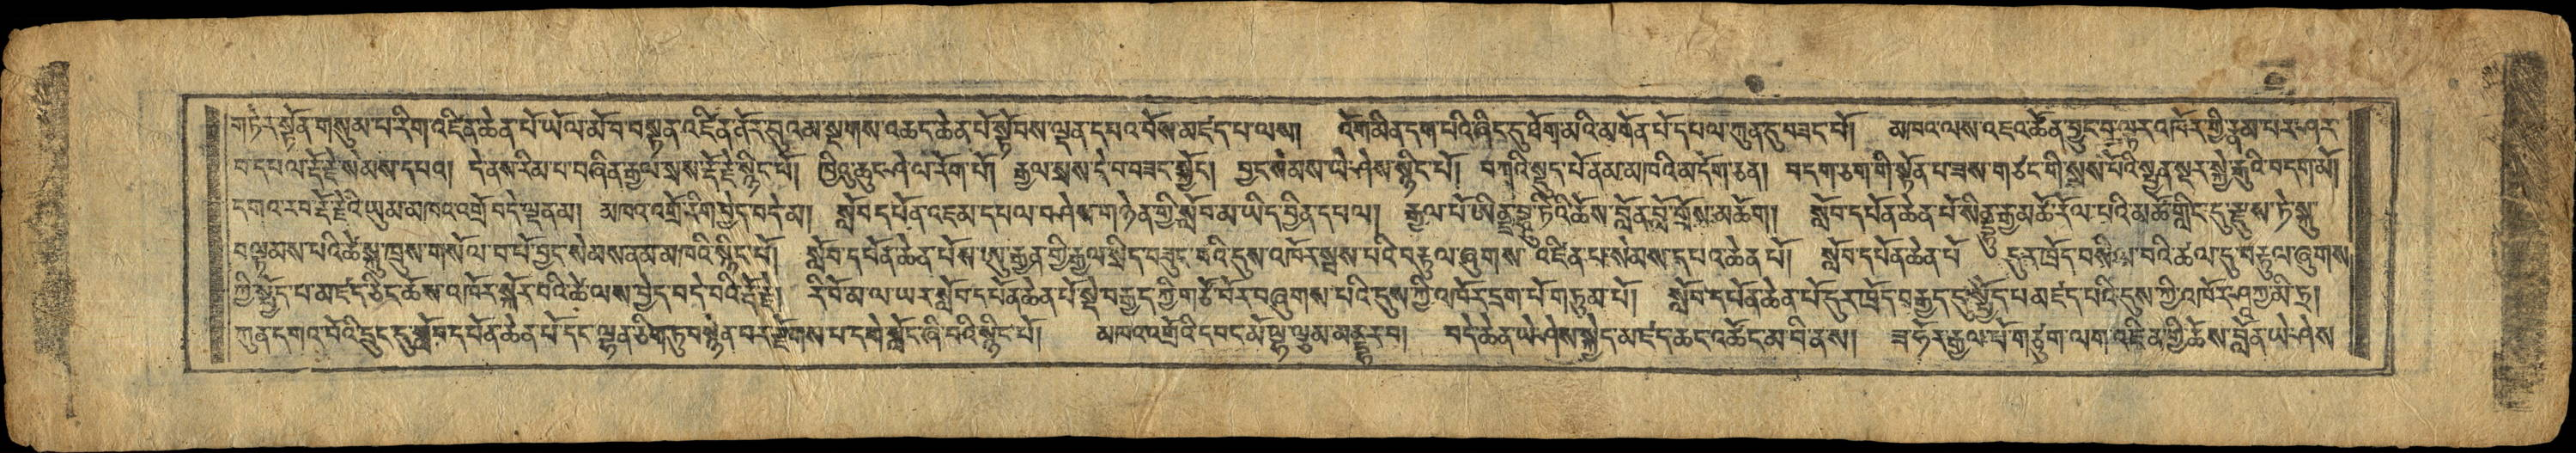གཏེར་སྟོན་གསུམ་པ་རིག་འཛིན་ཆེན་པོ་ཡོལ་མོ་བ་བསྟན་འཛིན་ནོར་བུའམ་སྔགས་འཆད་ཆེན་པོ་སྟོབས་ལྡན་དཔའ་བོས་མཛད་པ་ལས། འོག་མིན་དྲག་པའི་ཞིང་དུ་ཐོག་མའི་མགོན་པོ་དཔལ་ཀུན་དུ་བཟང་པོ། མཁའ་ལས་འཇའ་ཚོན་བྱུང་བ་ལྟར་འཁོར་གྱི་རྣམ་པར་ཤར་
བ་དཔལ་རྡོ་རྗེ་སེམས་དཔའ། དེ་ནས་རིམ་པ་བཞིན་རྒྱལ་སྲས་རྡོ་རྗེ་སྙིང་པོ། ཁྱིའུ་ཆུང་ཤེལ་རོག་པོ། རྒྱལ་སྲས་དེ་བཟང་སྐྱོང་། བྱང་སེམས་ཡེ་ཤེས་སྙིང་པོ། བཀའི་སྡུད་པོ་ནམ་མཁའི་མདོག་ཅན། བདག་ཅག་གི་སྟོན་པ་ཟས་གཙང་གི་སྲས་པོའི་སྤྱན་སྔར་སྐྱེ་རྒུའི་བདག་མོ།
དགའ་རབ་རྡོ་རྗེའི་ཡུམ་མཁའ་འགྲོ་བདེ་ལྡན་མ། མཁའ་འགྲོ་རིག་བྱེད་བདེ་མ། སློབ་དཔོན་འཇམ་དཔལ་བཤེས་གཉེན་གྱི་སློབ་མ་ཡིད་བྱིན་དཔལ། རྒྱལ་བོ་ཨིནྡྲ་བྷཱུ་ཏིའི་ཆོས་བློན་བློ་གྲོས་མཆོག། སློབ་དཔོན་ཆེན་པོ་སིནྡྷུ་རྒྱ་མཚོ་རོལ་པའི་མཚོ་གླིང་དུ་རྫུས་ཏེ་སྐུ་
བལྟམས་པའི་ཚེ་སྐུ་ཁྲུས་གསོལ་བ་པོ་བྱང་སེམས་ནམ་མཁའི་སྙིང་པོ། སློབ་དཔོན་ཆེན་པོས་ཨུ་རྒྱན་གྱི་རྒྱལ་སྲིད་བཟུང་བའི་དུས་འཁོར་སྦས་པའི་བརྟུལ་ཞུགས་འཛིན་པ་སེམས་དཔའ་ཆེན་པོ། སློབ་དཔོན་ཆེན་པོ་དུར་ཁྲོད་བསིལ་བའི་ཚལ་དུ་བརྟུལ་ཞུགས་
ཀྱི་སྤྱོད་པ་མཛད་ཅིང་ཆོས་འཁོར་སྐོར་བའི་ཚེ་ལས་བྱེད་བདེ་བའི་རྡོ་རྗེ། རི་བོ་མ་ལ་ཡར་སློབ་དཔོན་ཆེན་པོ་སྡེ་བརྒྱད་ཀྱི་གཙོ་བོར་བཞུགས་པའི་དུས་ཀྱི་འཁོར་དྲག་པོ་གཏུམ་པོ། སློབ་དཔོན་ཆེན་པོ་དུར་ཁྲོད་བརྒྱད་དུ་སྤྱོད་པ་མཛད་པའི་དུས་ཀྱི་འཁོར་ཤཱཀྱ་མི་ཏྲ།
ཀུན་དགའ་བོའི་དྲུང་དུ་སློབ་དཔོན་ཆེན་པོ་དང་ལྷན་ཅིག་ཏུ་བསྙེན་པར་རྫོགས་པ་དགེ་སློང་ཞི་བའི་སྙིང་པོ། མཁའ་འགྲོའི་དབང་མོ་ལྷ་ལྕམ་མནྡྷ་ར་བ། བདེ་ཆེན་ཡེ་ཤེས་སྐྱེད་མཛད་ཆང་འཚོང་མ་བི་ནས། ཟ་ཧོར་རྒྱལ་པོ་གཙུག་ལག་འཛིན་གྱི་ཆོས་བློན་ཡེ་ཤེས་